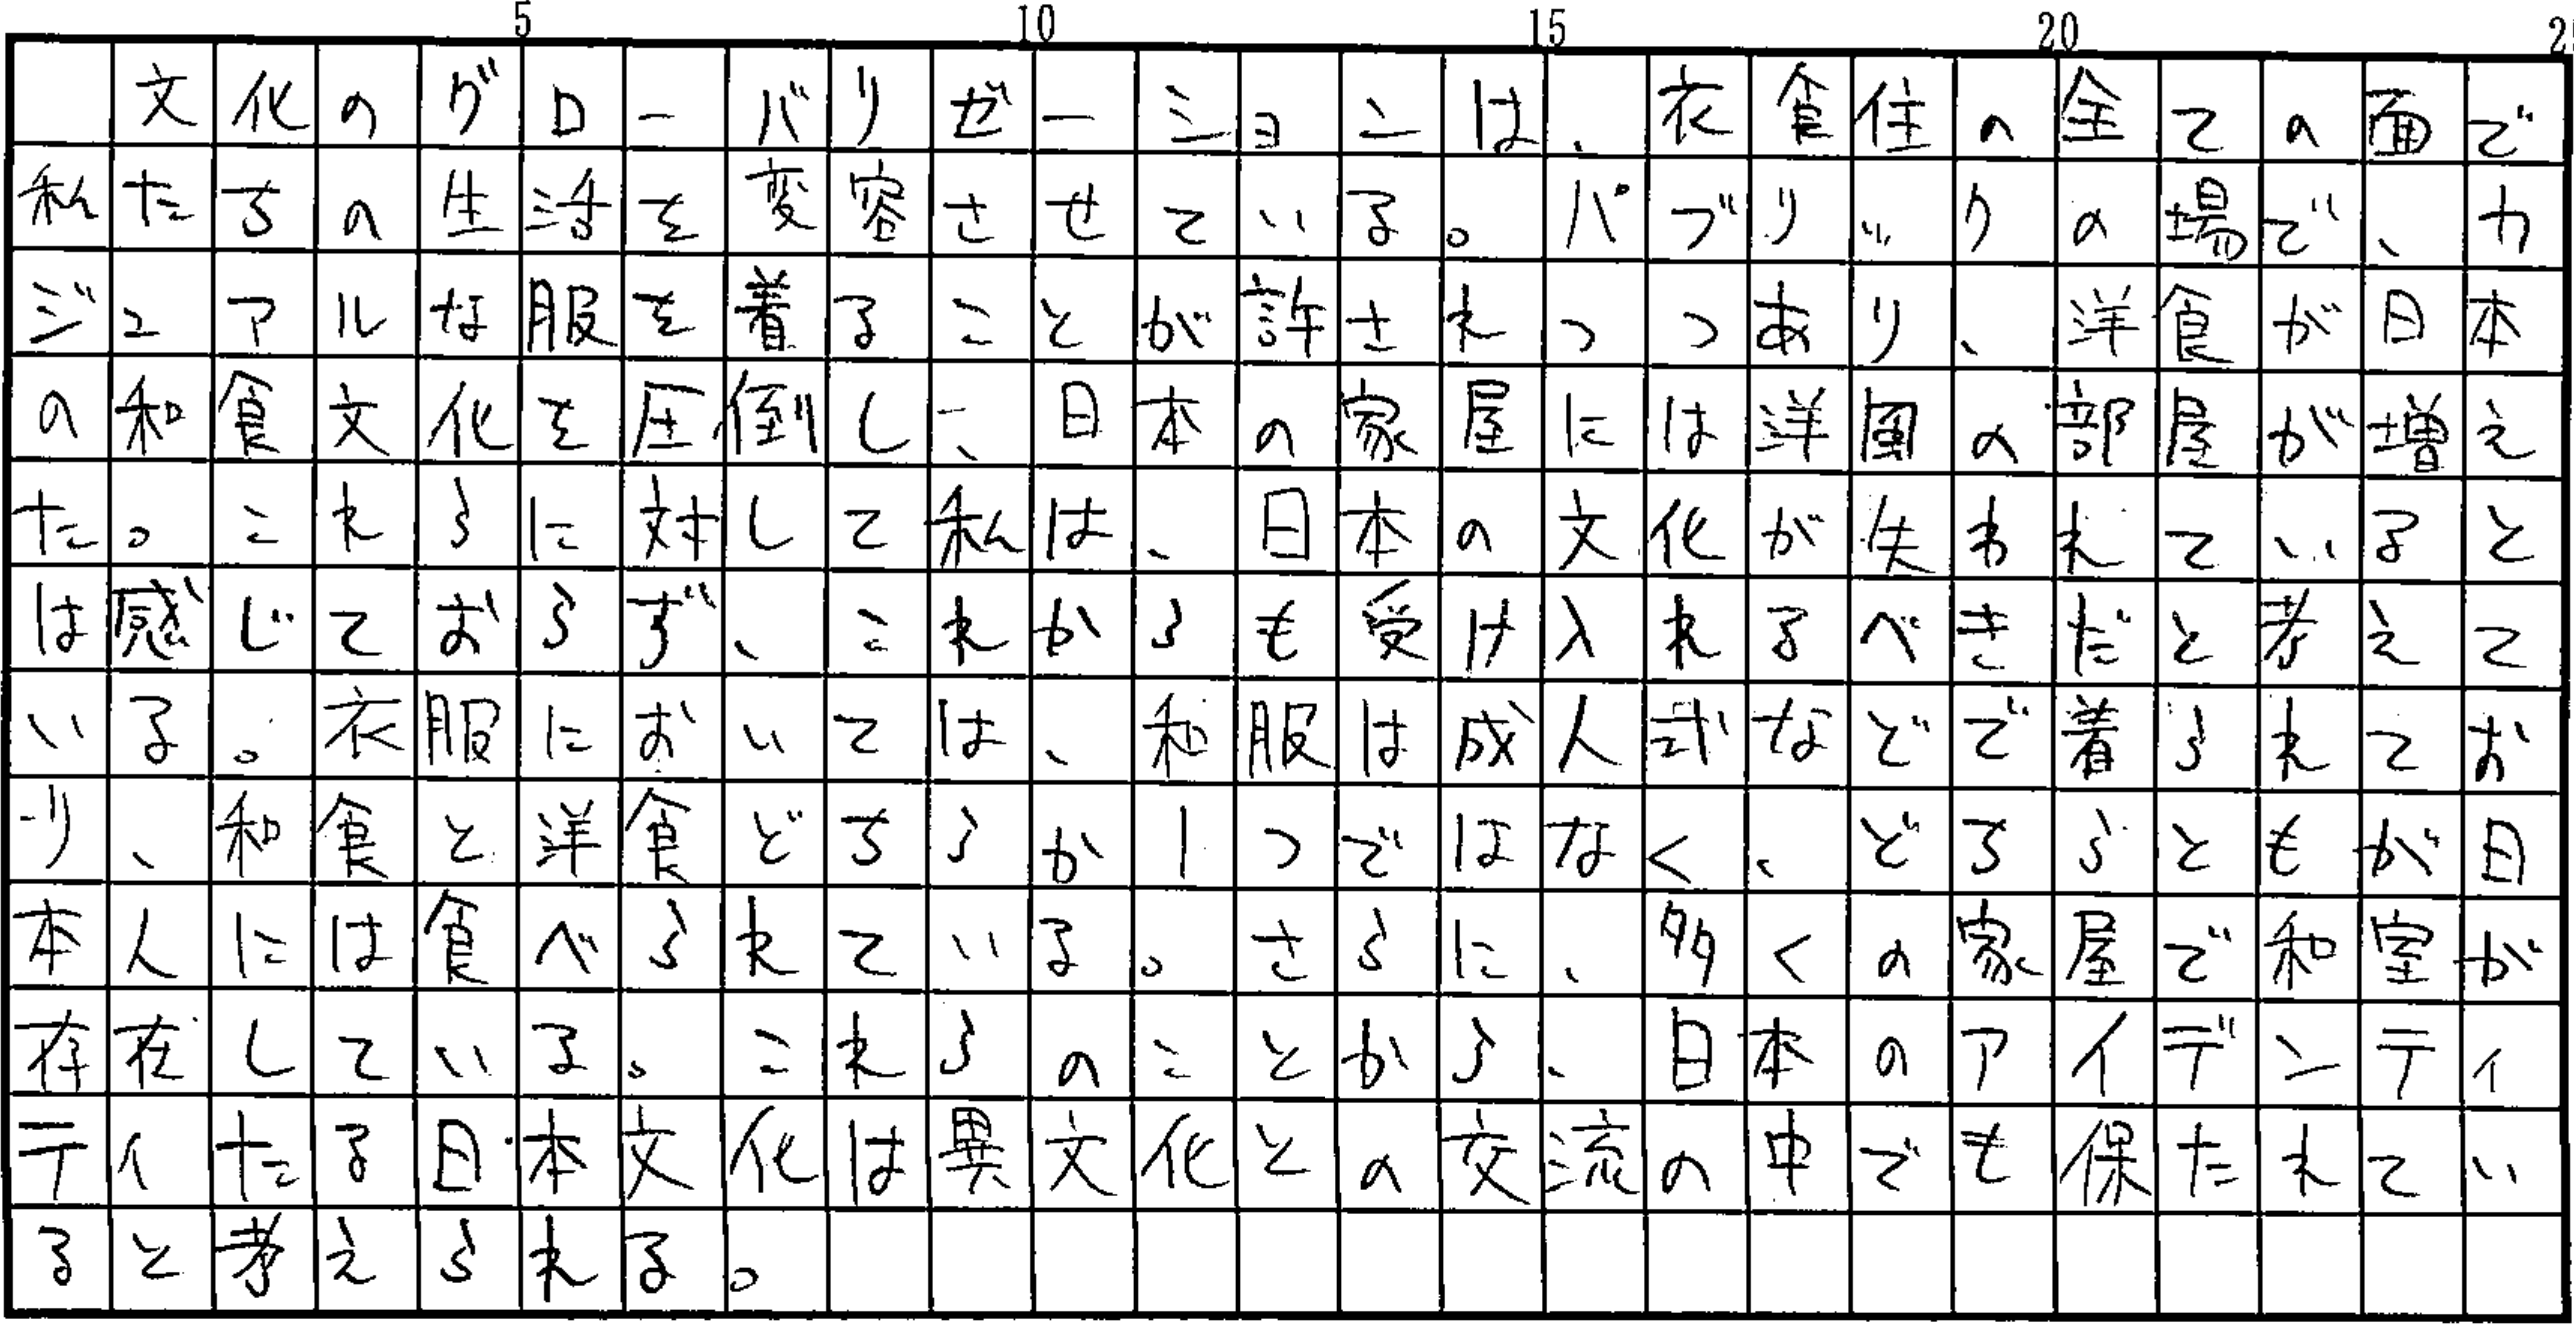　文化のグローバリゼーションは、衣食住の全ての面で私たちの生活を変容させている。パブリックの場で、カジュアルな服を着ることが許されつつあり、洋食が日本の和食文化を圧倒し、日本の家屋には洋風の部屋が増えた。これらに対して私は、日本の文化が失われているとは感じておらず、これからも受け入れるべきだと考えている。衣服においては、和服は成人式などで着られており、和食と洋食どちらか１つではなく、どちらともが日本人には食べられている。さらに、多くの家屋で和室が存在している。これらのことから、日本のアイデンティティたる日本文化は異文化との交流の中でも保たれていると考えられる。
